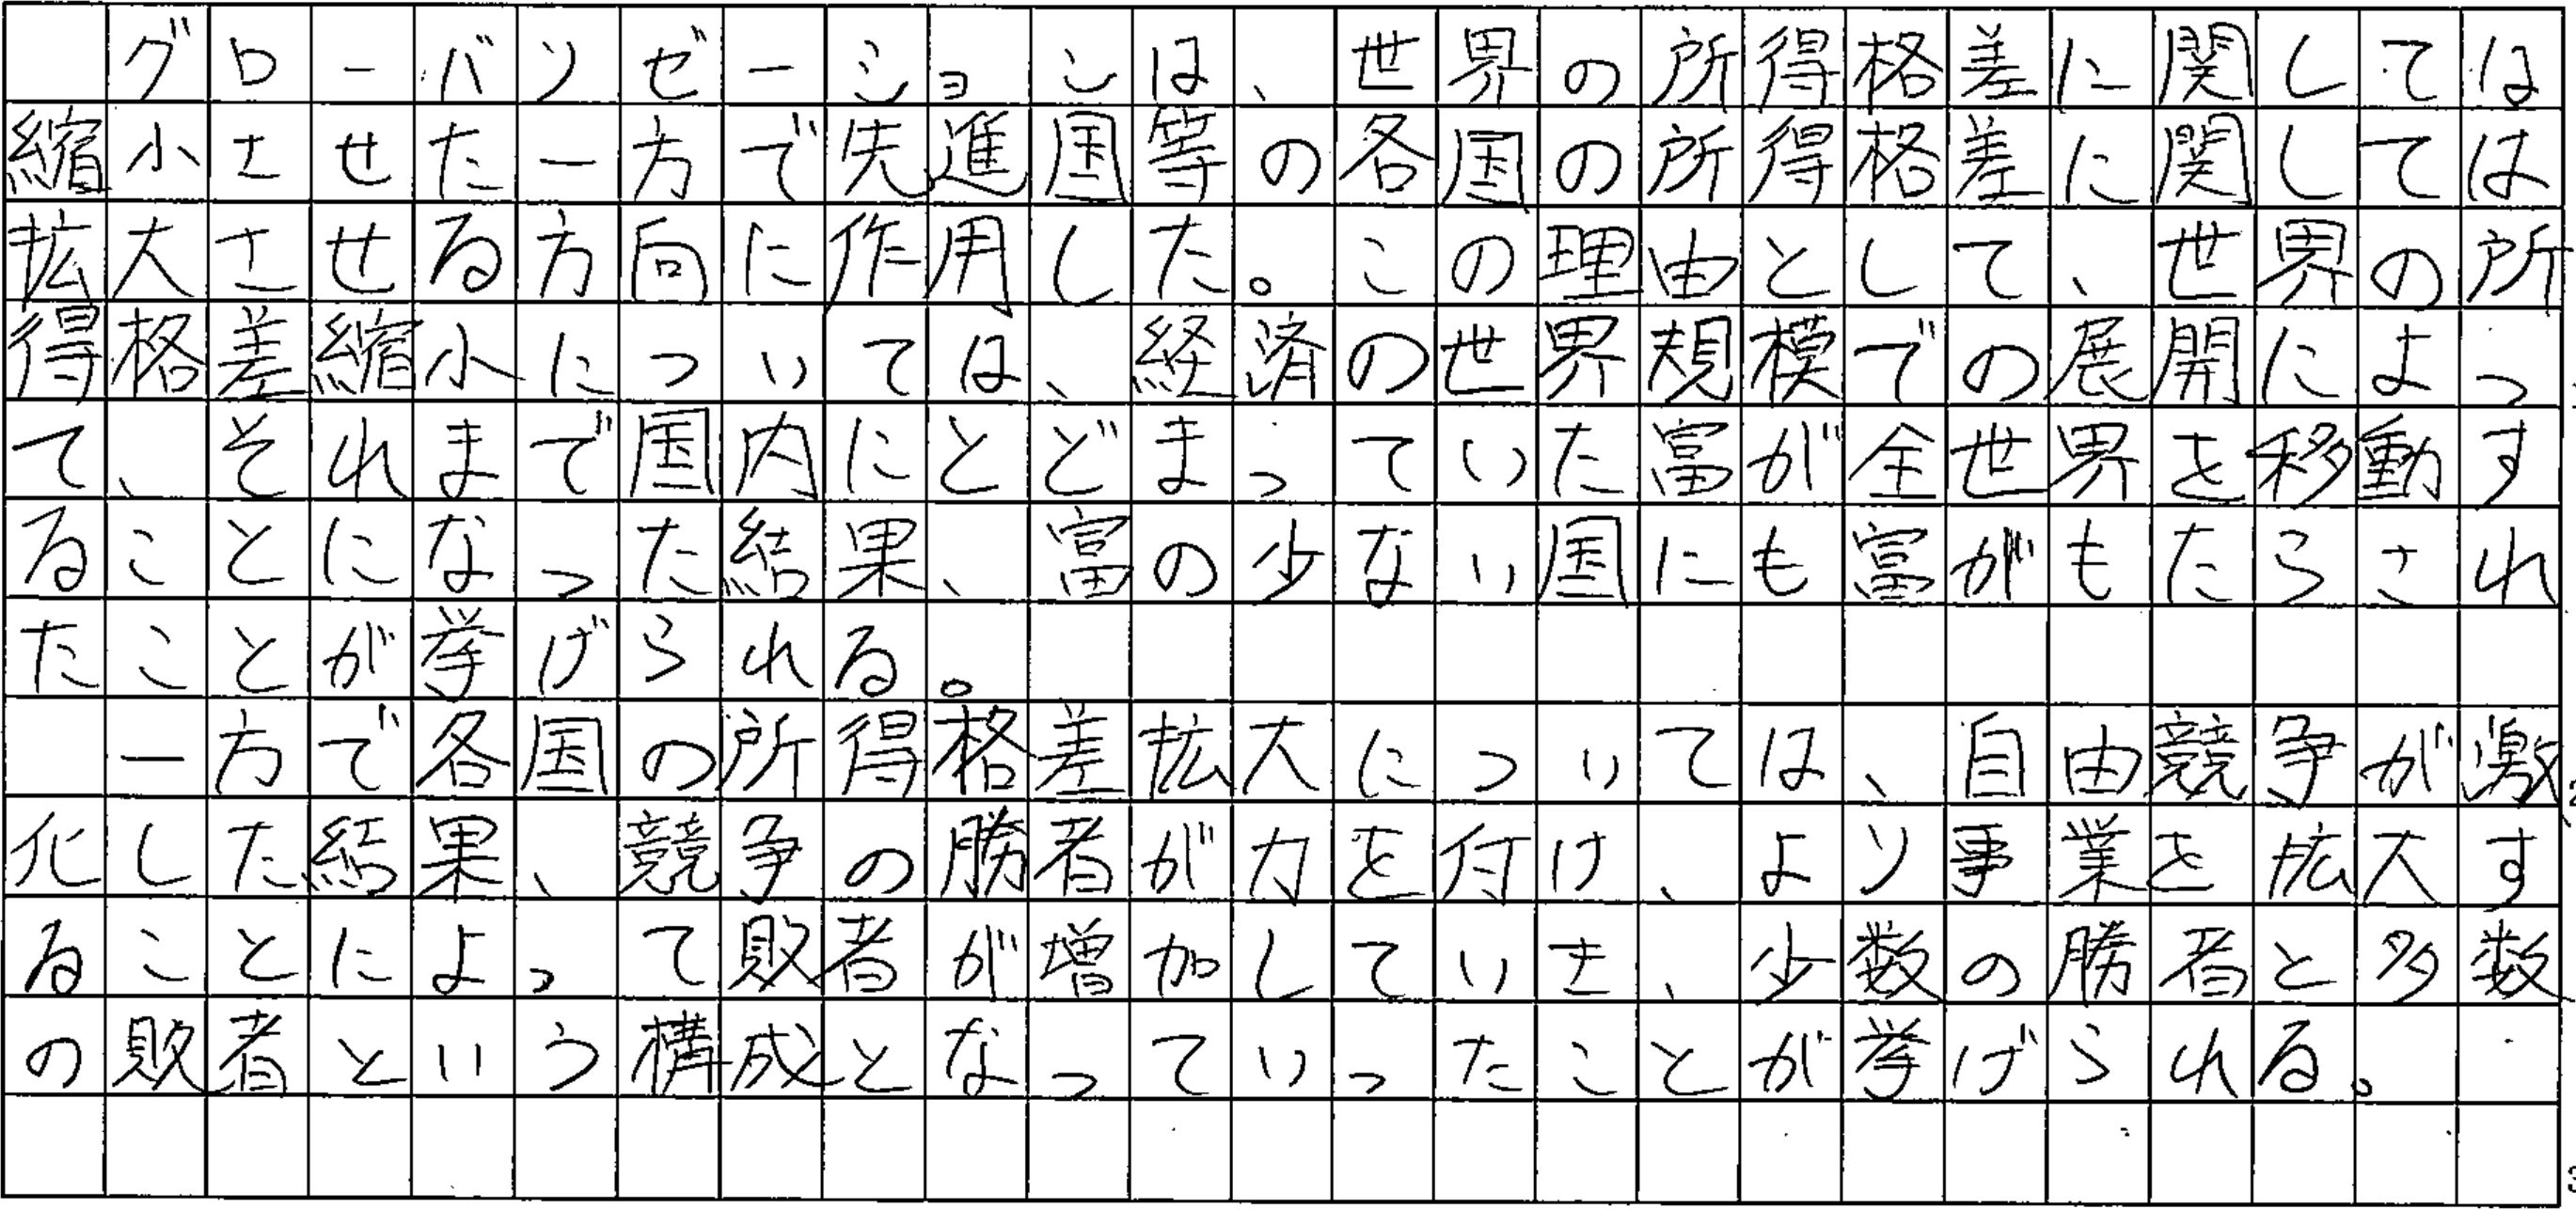　グローバリゼーションは、世界の所得格差に関しては縮小させた一方で先進国等の各国の所得格差に関しては拡大させる方向に作用した。この理由として、世界の所得格差縮小については、経済の世界規模での展開によって、それまで国内にとどまっていた富が全世界を移動することになった結果、富の少ない国にも富がもたらされることになったことが挙げられる。
　一方で各国の所得格差拡大については、自由競争が激化した結果、競争の勝者が力を付け、より事業を拡大することによって敗者が増加していき、少数の勝者と多数の敗者という構成になっていったことが挙げられる。
